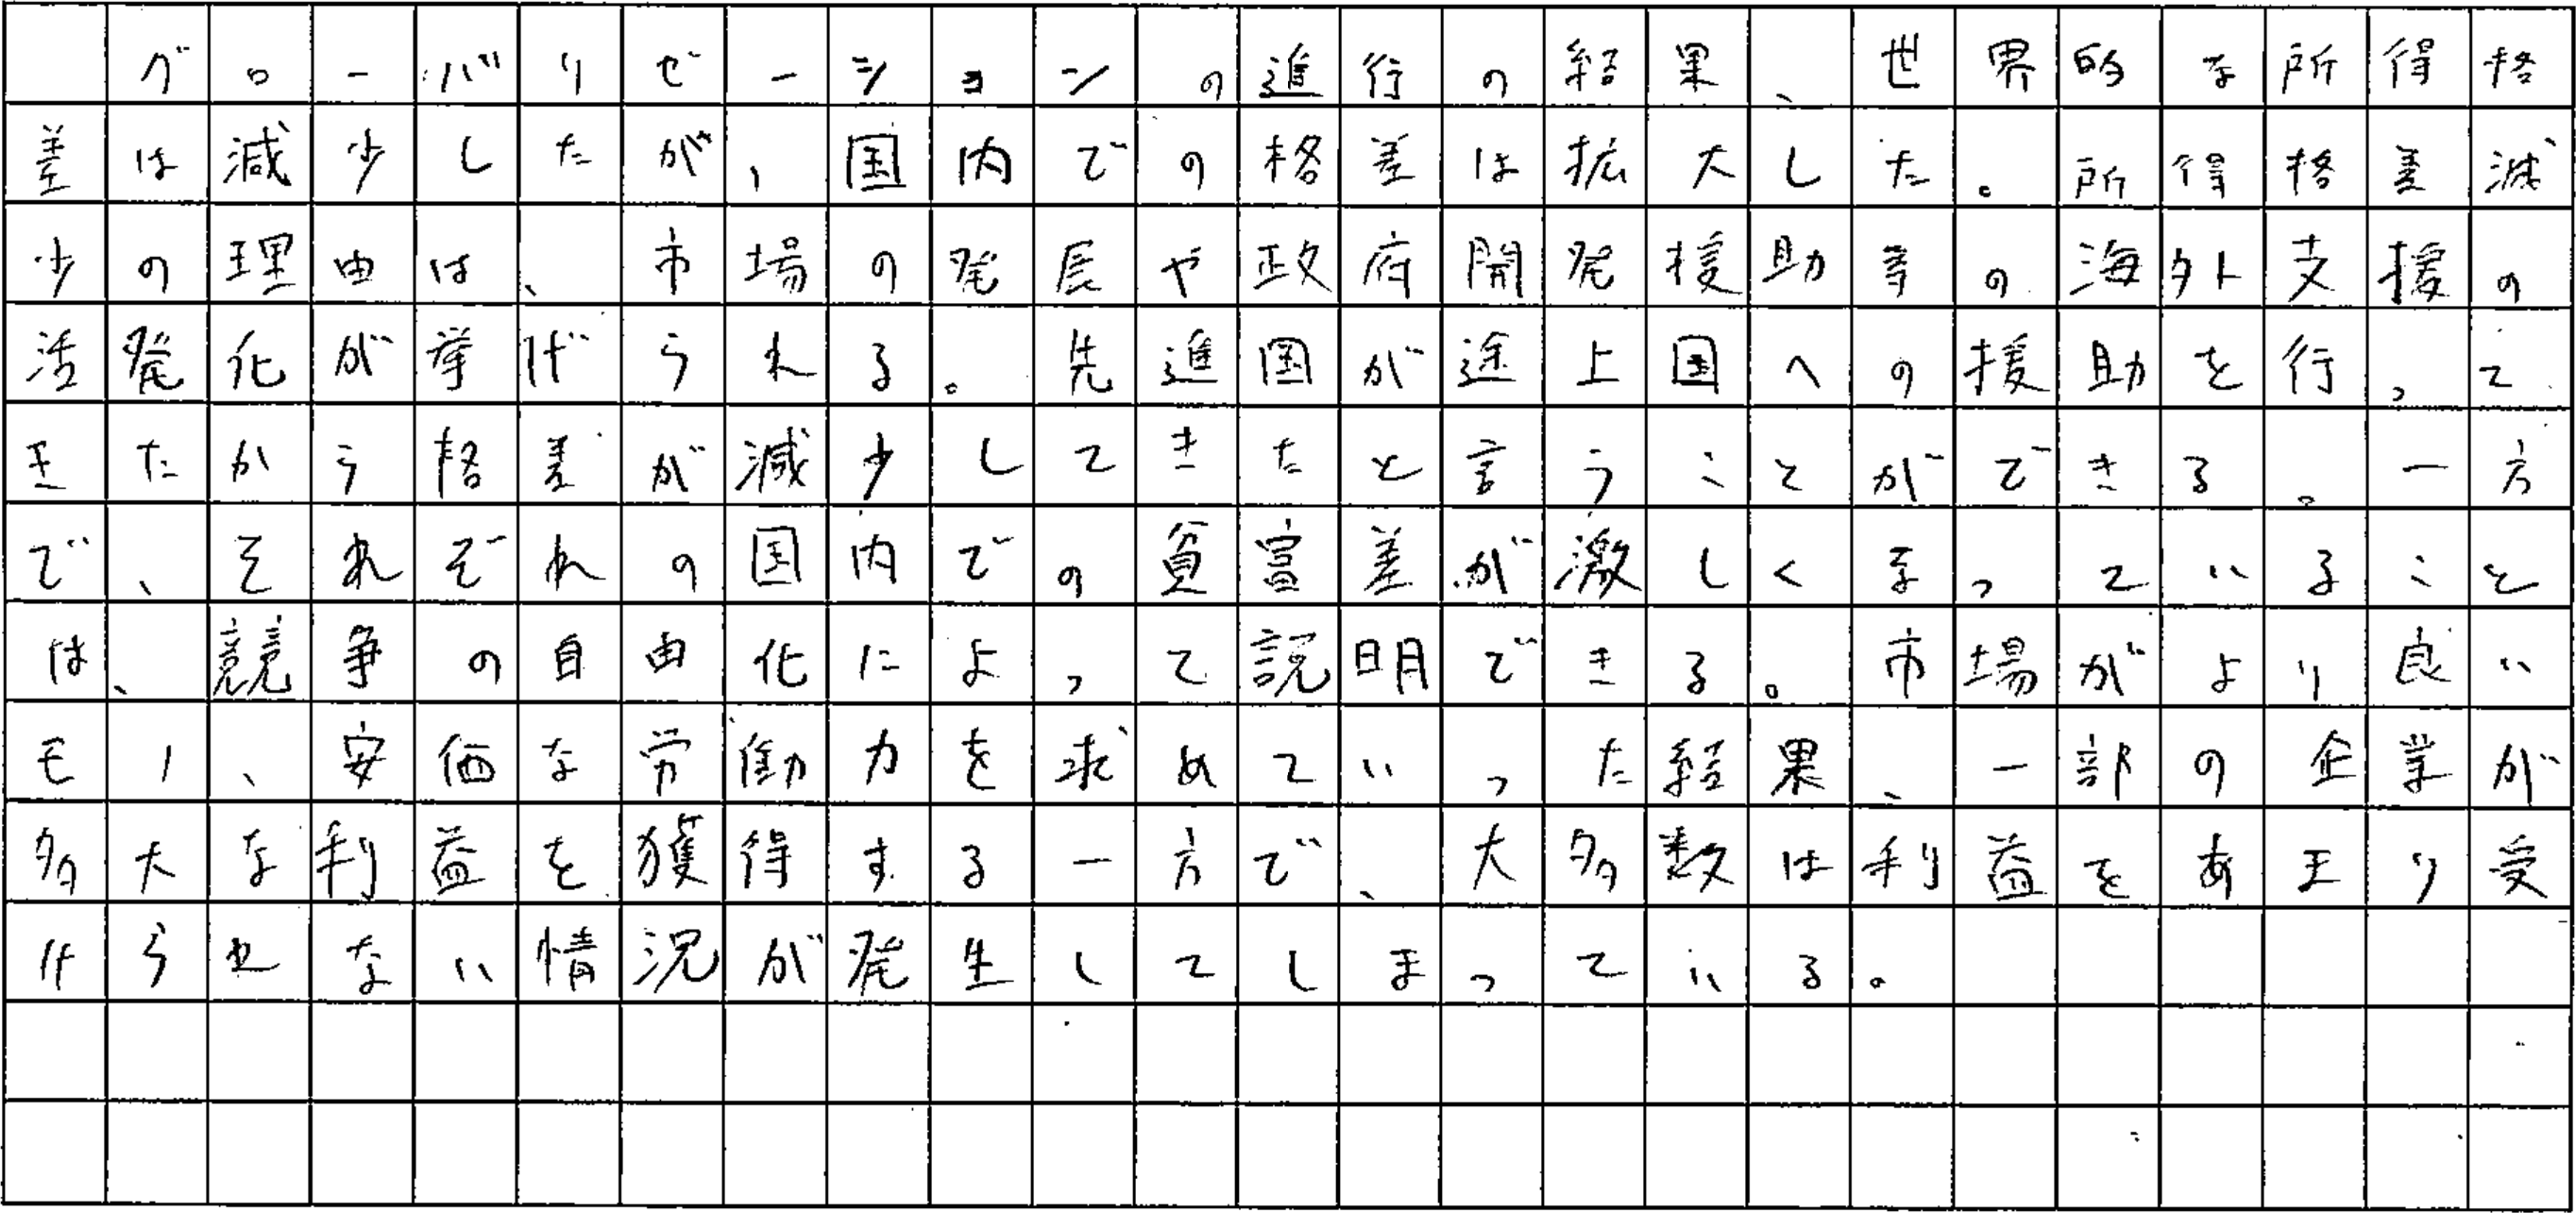　グローバリゼーションの進行の結果、世界的な所得格差は減少したが、国内での格差は拡大した。所得格差減少の理由は、市場の発展や政府開発援助等の海外支援の活発化が挙げられる。先進国が途上国への援助を行ってきたから格差が減少してきたと言うことができる。一方で、それぞれの国内での貧富差が激しくなっていることは、競争の自由化によって説明できる。市場がより良いモノ、安価な労働力を求めていった結果、一部の企業が多大な利益を獲得する一方で、大多数は利益をあまり受けられない情況が発生してしまっている。
